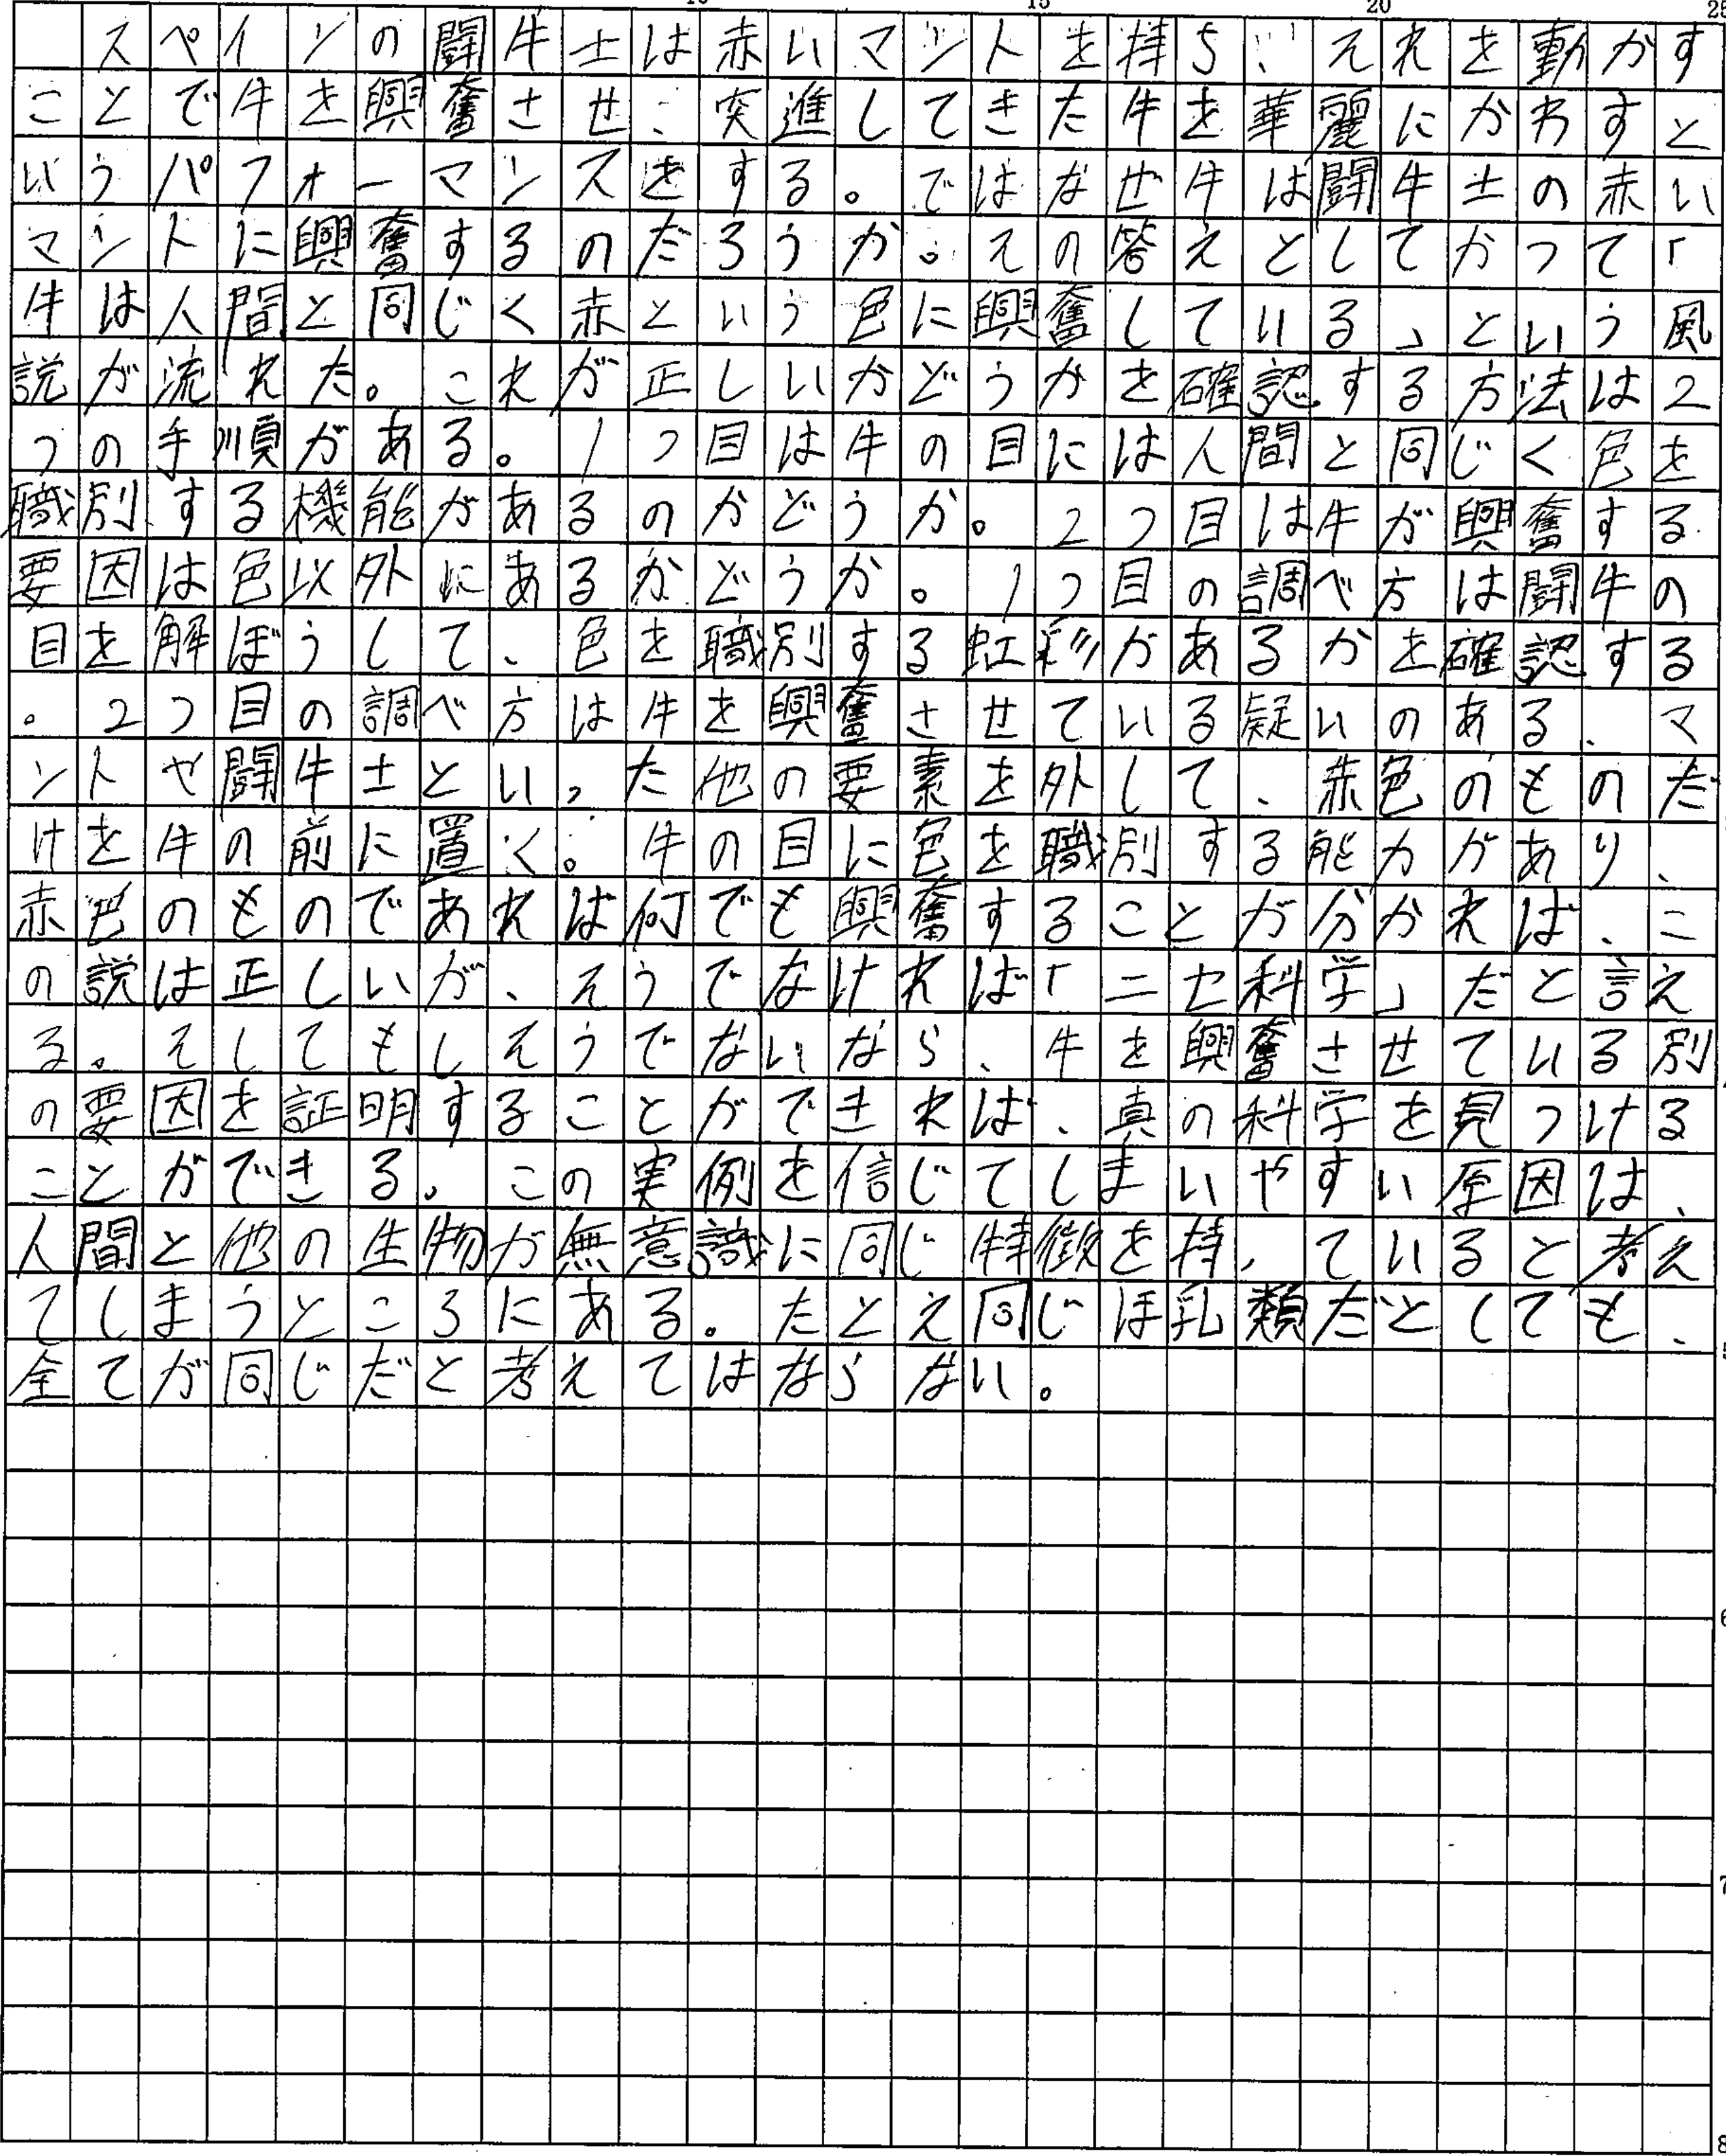　スペインの闘牛士は赤いマントを持ち、それを動かすことで牛を興奮させ、突進してきた牛を華麗にかわすというパフォーマンスをする。ではなぜ牛は闘牛士の赤いマントに興奮するのだろうか。その答えとしてかつて「牛は人間と同じく赤という色に興奮している」という風説が流れた。これが正しいかどうかを確認する方法は２つの手順がある。１つ目は牛の目には人間と同じく色を職別する機能があるのかどうか。２つ目は牛が興奮する要因は色以外にあるかどうか。１つ目の調べ方は闘牛の目を解ぼうして、色を職別する虹彩かあるかを確認する。２つ目の調べ方は牛を興奮させている疑いのある、マントや闘牛士といった他の要素を外して、赤色のものだけを牛の前に置く。牛の目に色を職別する能力があり、赤色のものであれば何でも興奮することが分かれば、この説は正しいが、そうでなければ「ニセ科学」だと言える。そしてもしそうでないなら、牛を興奮させている別の要因を証明することができれば、真の科学を見つけることができる。この実例を信じてしまいやすい原因は、人間と他の生物が無意識に同じ特徴を持っていると考えてしまうところにある。たとえ同じほ乳類だとしても、全てが同じだと考えてはならない。
